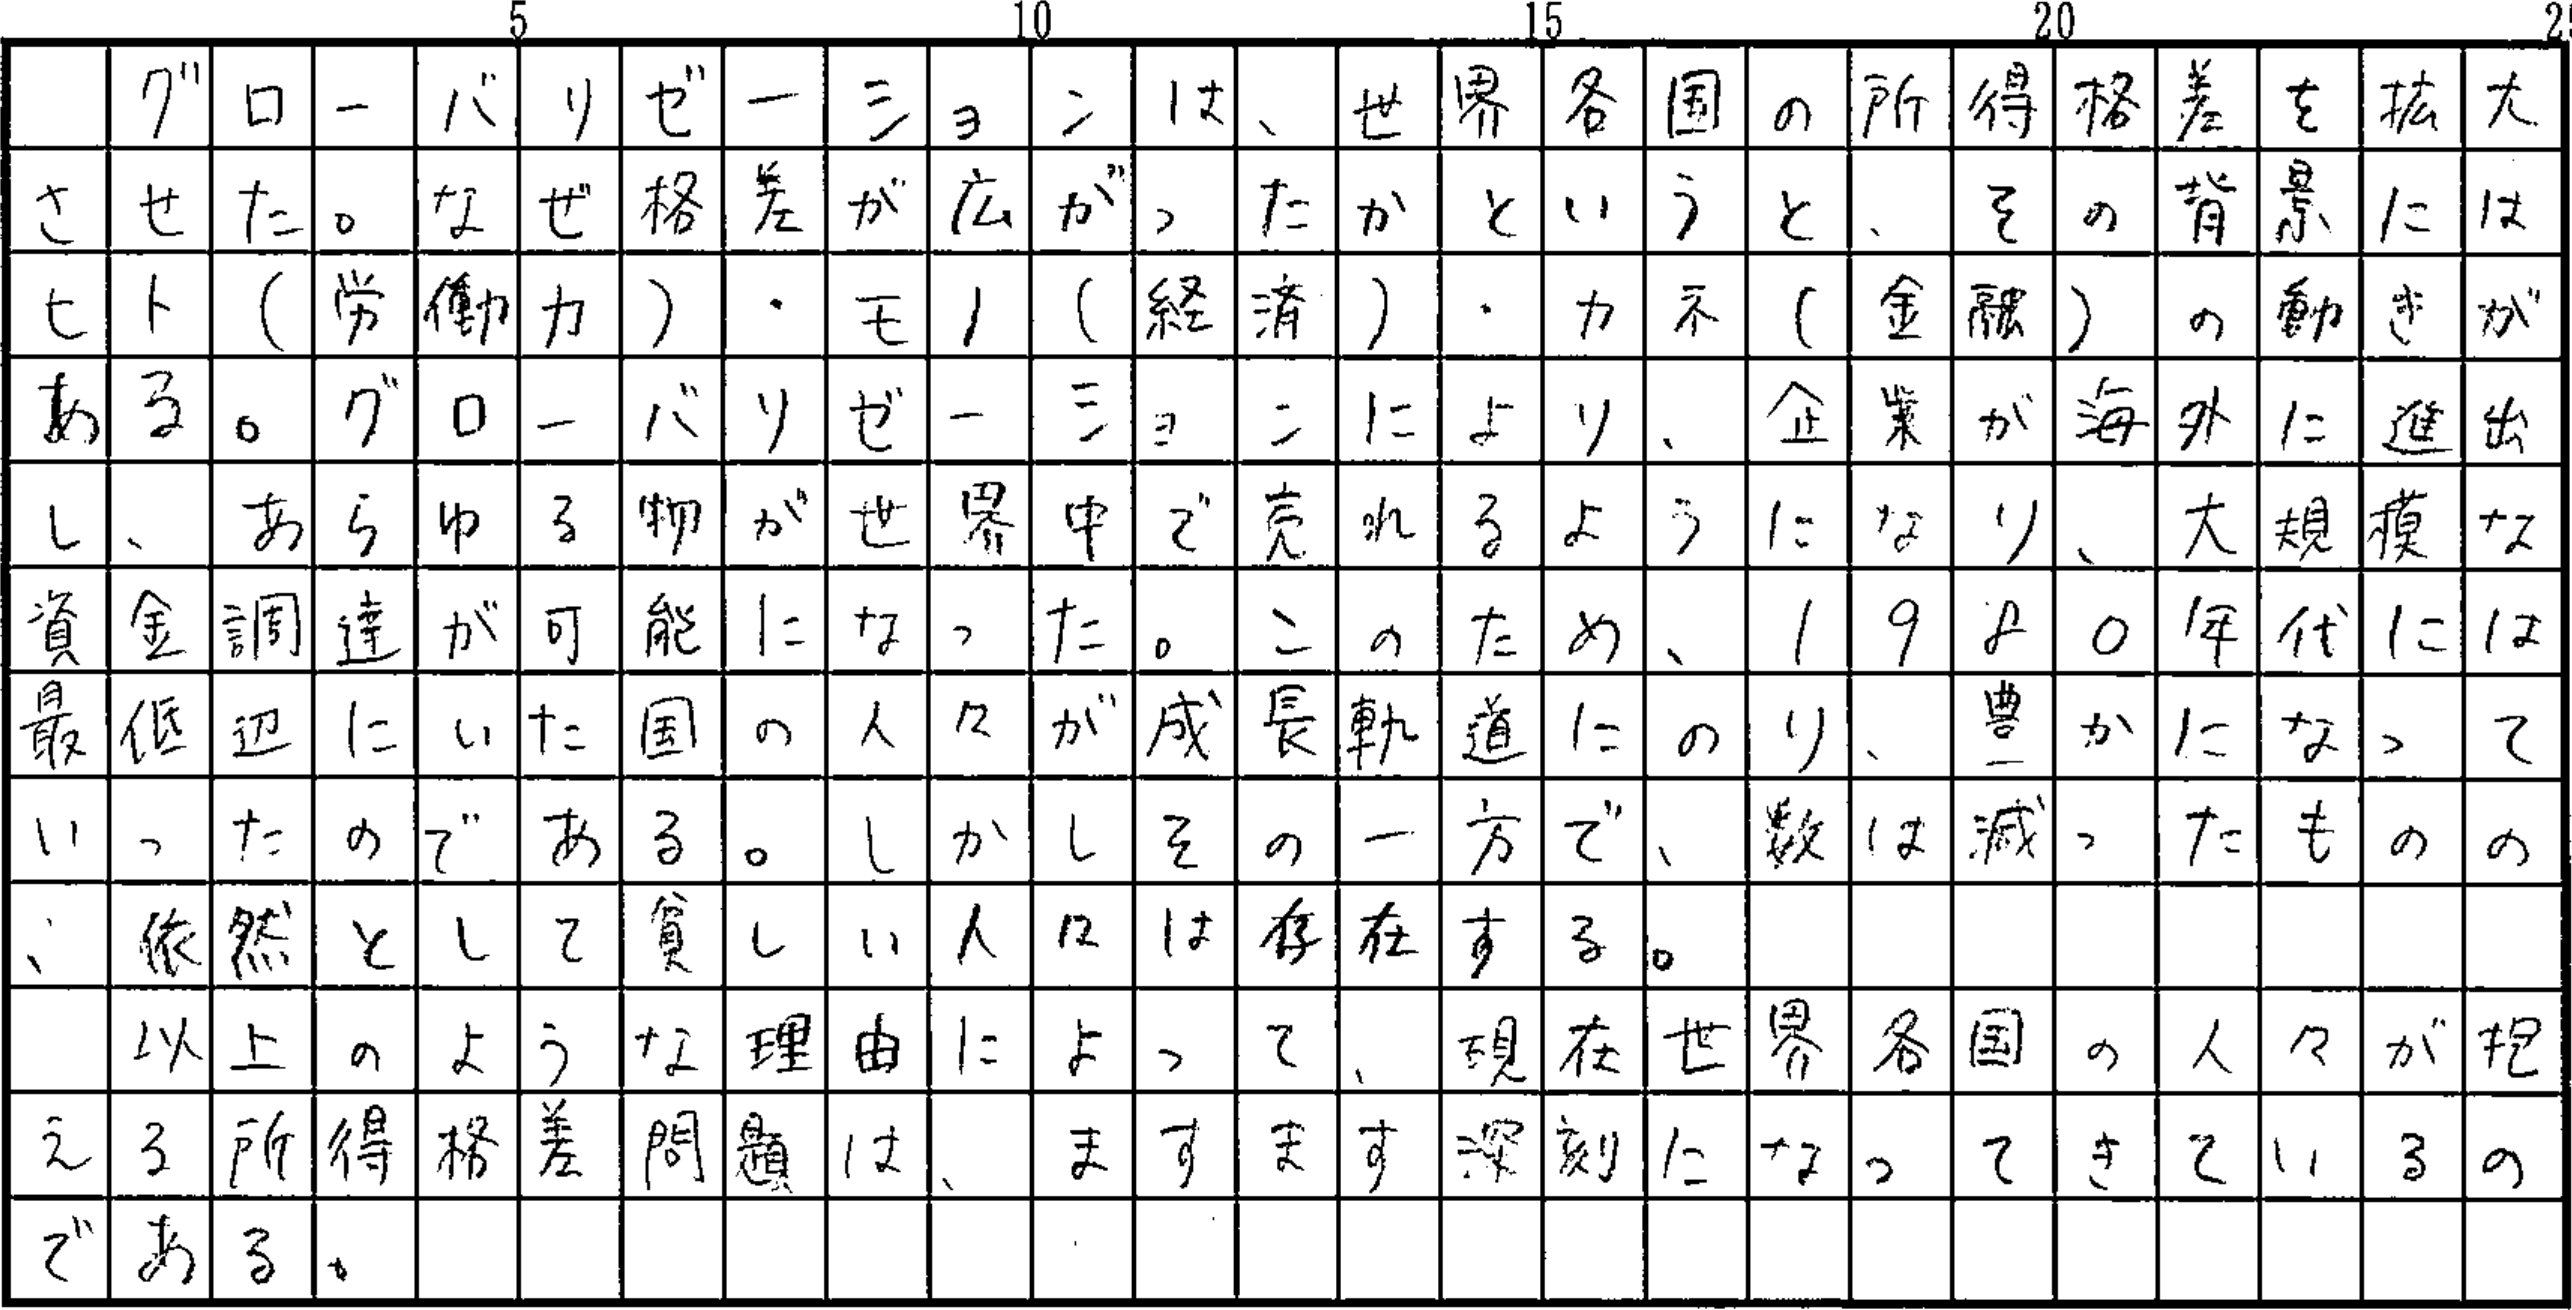　グローバリゼーションは、世界各国の所得格差を拡大させた。なぜ格差が広がったかというと、その背景にはヒト（労働力）・モノ（経済）・カネ（金融）の動きがある。グローバリゼーションにより、企業が海外に進出し、あらゆる物が世界中で売れるようになり、大規模な資金調達が可能になった。このため、１９８０年代には最低辺にいた国の人々が成長軌道にのり、豊かになっていったのである。しかしその一方で、数は減ったものの、依然として貧しい人々は存在する。
　以上のような理由によって、現在世界各国の人々が抱える所得格差問題は、ますます深刻になってきているのである。
